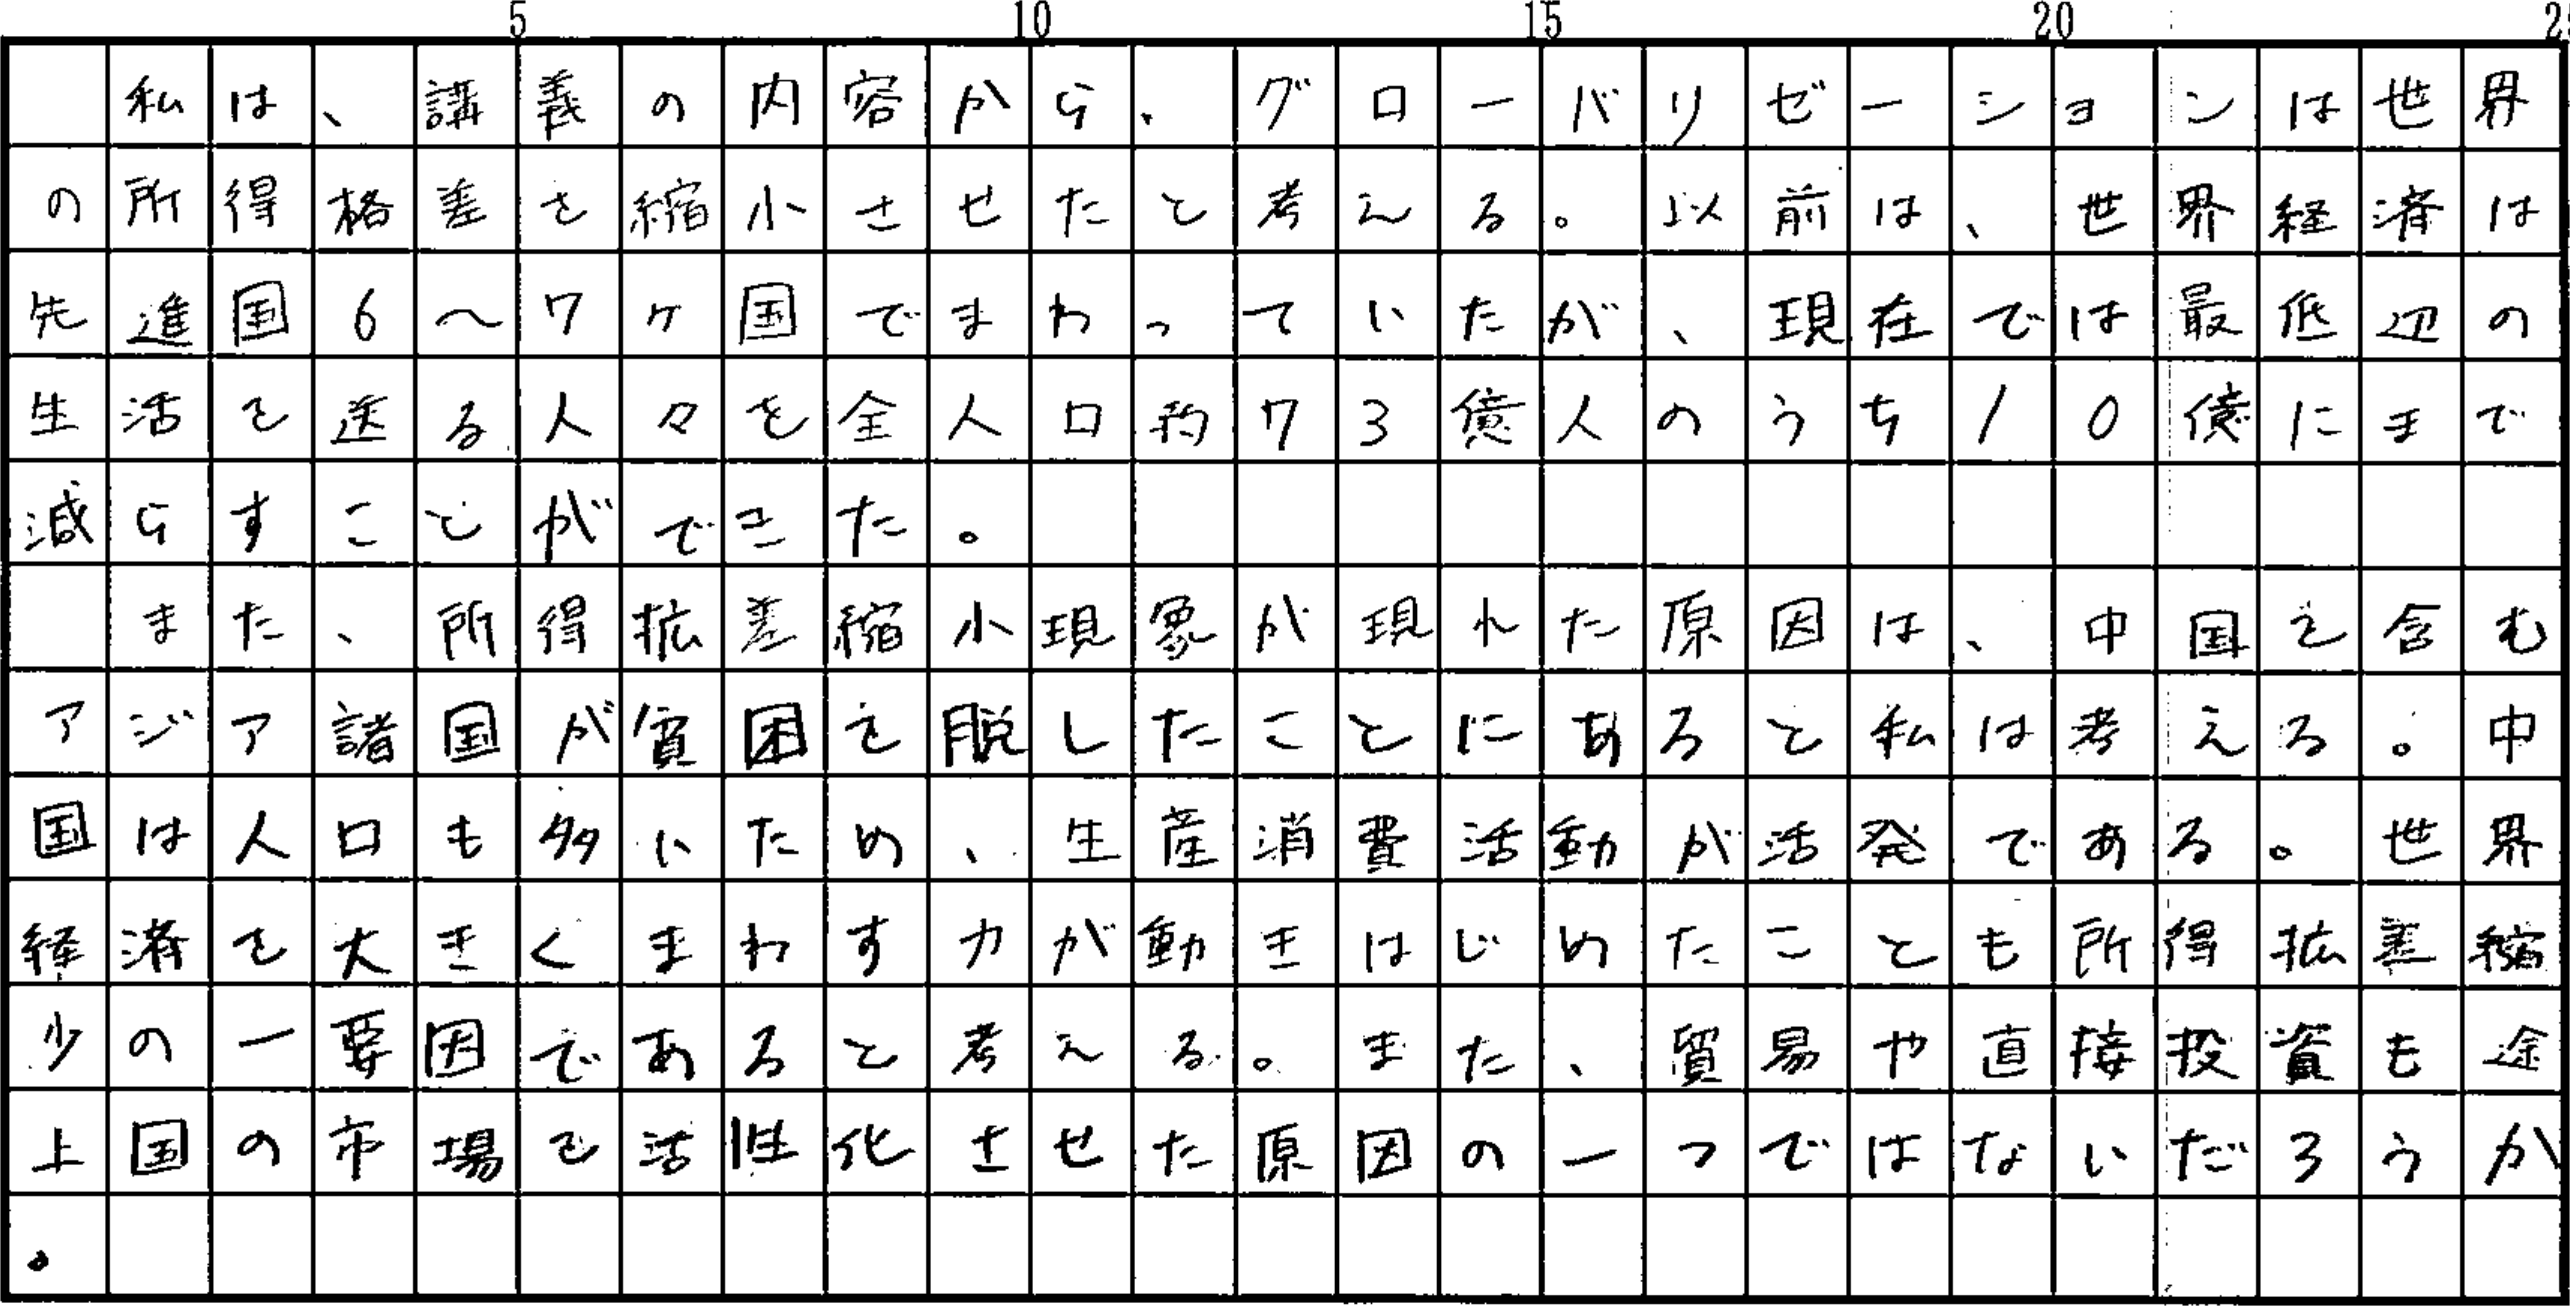　私は、講義の内容から、グローバリゼーションは世界の所得格差を縮小させたと考える。以前は、世界経済は先進国６～７ヶ国でまわっていたが、現在では最低辺の生活を送る人々を全人口約７３億人のうち１０億にまで減らすことができた。
　また、所得拡差縮小現象が現れた原因は、中国を含むアジア諸国が貧困を脱したことにあると私は考える。中国は人口も多いため、生産消費活動が活発である。世界経済を大きくまわす力が動きはじめたことも所得拡差縮少の一要因であると考える。また、貿易や直接投資も途上国の市場を活性化させた原因の一つではないだろうか。
